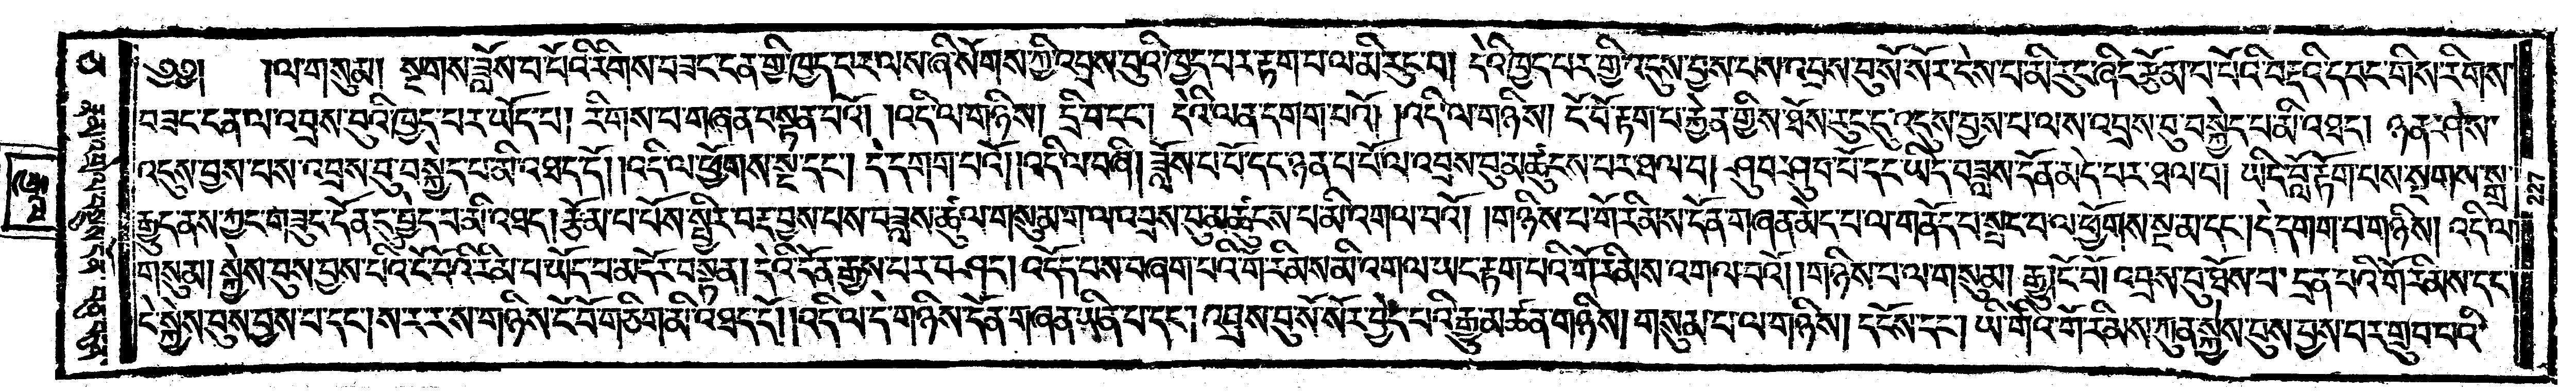༄༅། །ལ་གསུམ། སྔགས་ཟློས་པ་པོའི་རིགས་བཟང་ངན་གྱི་ཁྱད་པར་ལས་ཞི་སོགས་ཀྱི་འབྲས་བུའི་ཁྱད་པར་རྟག་པ་ལ་མི་རུང་བ། དེའི་ཁྱད་པར་གྱི་འདུས་བྱས་པས་འབྲས་བུ་སོ་སོར་ངེས་པ་མི་རུང་ཞིང་རྩོམ་པ་པོའི་བརྡའི་དབང་གིས་རིགས་
བཟང་ངན་ལ་འབྲས་བུའི་ཁྱད་པར་ཡོད་པ། རིགས་པ་གཞན་བསྟན་པའོ། །འདི་ལ་གཉིས། དྲི་བ་དང་། དེའི་ལན་དགག་པའོ། །འདི་ལ་གཉིས། ངོ་བོ་རྟག་པ་རྐྱེན་གྱིས་ཐོས་རུང་དུ་འདུས་བྱས་པ་ལས་འབྲས་བུ་བསྐྱེད་པ་མི་འཐད། ཉན་ཤེས་
འདུས་བྱས་པས་འབྲས་བུ་བསྐྱེད་པ་མི་འཐད་དོ། །འདི་ལ་ཕྱོགས་སྔ་དང་། དེ་དགག་པའོ། །འདི་ལ་བཞི། ཟློས་པ་པོ་དང་ཉན་པ་པོ་ལ་འབྲས་བུ་མཚུངས་པར་ཐལ་བ། ཤུབ་ཤུབ་པོ་དང་ཡིད་བཟླས་དོན་མེད་པར་ཐལ་བ། ཡིད་བློ་རྟོག་པས་སྔགས་སྒྲ་
རྒྱུད་ནས་ཀྱང་གཟུང་དོན་དུ་བྱེད་པ་མི་འཐད། རྩོམ་པ་པོས་སྤྱིར་བརྡ་བྱས་པས་བཟླས་ཚུལ་གསུམ་ག་ལ་འབྲས་བུ་མཚུངས་པ་མི་འགལ་བའོ། །གཉིས་པ་གོ་རིམས་དོན་གཞན་མེད་པ་ལ་གནོད་པ་སྤང་བ་ལ་ཕྱོགས་སྔ་མ་དང་། དེ་དགག་པ་གཉིས། འདི་ལ་
གསུམ། སྐྱེས་བུས་བྱས་པའི་ངོ་བོའི་རིམ་པ་ཡོད་པ་མདོར་བསྟན། དེའི་དོན་རྒྱས་པར་བཤད། འདོད་པས་བཞག་པའི་གོ་རིམས་མི་འགལ་ཡང་རྟག་པའི་གོ་རིམས་འགལ་བའོ། །གཉིས་པ་ལ་གསུམ། རྒྱུ། ངོ་བོ། འབྲས་བུ་ཐོས་པ་དྲན་པའི་གོ་རིམས་དང་
དེ་སྐྱེས་བུས་བྱས་པ་དང་། ས་ར་ར་ས་གཉིས་ངོ་བོ་གཅིག་མི་འཐད་དོ། །འདི་ལ་དེ་གཉིས་དོན་གཞན་ཡིན་པ་དང་། འབྲས་བུ་སོ་སོར་བྱེད་པའི་རྒྱུ་མཚན་གཉིས། གསུམ་པ་ལ་གཉིས། དངོས་དང་། ཡི་གེའི་གོ་རིམས་ཀུན་སྐྱེས་བུས་བྱས་པར་གྲུབ་པའི་